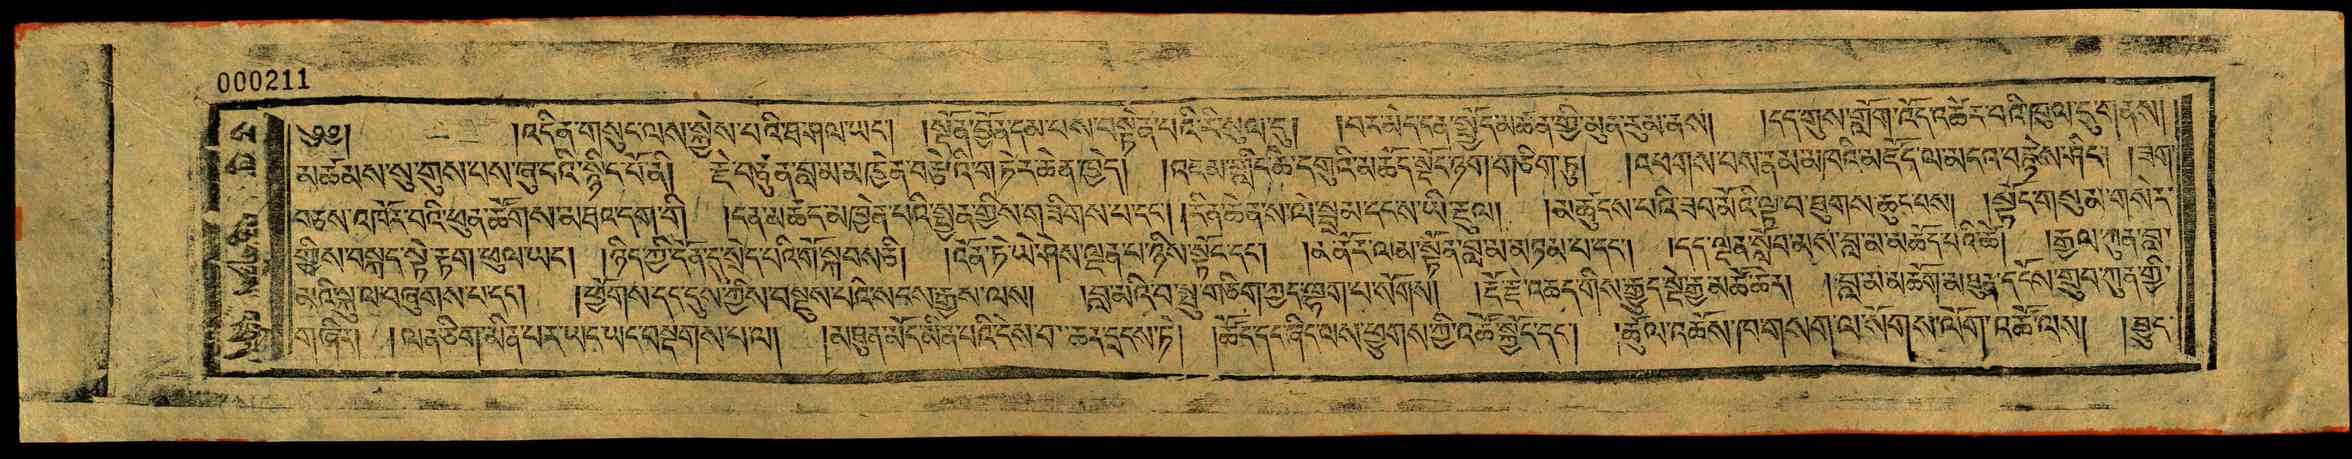༄༅། །འདི་ན་གསུང་ལས་སྐྱེས་པའི་ཐ་ཤལ་ཡང་། །སྔོན་བྱོན་དམ་པས་བསྟེན་པའི་རི་སུལ་དུ། །བར་མེད་ངན་སྤྱོད་མཚན་གྱི་མུན་རུམ་ནས། །དད་གུས་གློག་འོང་འཚེར་བའི་ཁུལ་དུ་གནས་
མཚམས་སུ་གུས་པས་ཞུ་བའི་སྙིང་པོ་ནི། རྗེ་བཙུན་བླ་མ་མཁྱེན་བརྩེའི་གཏེར་ཆེན་ཁྱེད། །འཛམ་གླིང་ཆེ་དགུའི་མཆོད་སྟོང་ཉག་གཅིག་ཏུ། །འཕགས་པས་ནམ་མཁའི་མཛོད་ལ་མངའ་བརྙེས་ཤིང་། །ཟག་
བཅས་འཁོར་བའི་ཕུན་ཚོགས་མཐའ་དག་གི །ངན་མཚང་མཁྱེན་པའི་སྤྱན་གྱིས་གཟིགས་པ་དང་། །རིན་ཆེན་ས་ལེ་སྦྲམ་དང་ས་ཡི་རྡུལ། །མཚུངས་པའི་ཟབ་མོའི་ལྟ་བ་ཐུགས་ཆུད་པས། །སྟོང་གསུམ་གསེར་
གྱིས་བསྐང་སྟེ་རྟག་ཕུལ་ཡང་། །ཉིད་ཀྱི་དོན་དུ་སྲེད་པའི་གོ་སྐབས་ཅི། །འོན་ཏེ་ཡེ་ཤེས་ལྡན་པ་ཉིས་སྟོང་དང་། །མ་ནོར་ལམ་སྟོན་བླ་མ་མཉམ་པ་དང་། །དམ་ལྡན་སློབ་མས་བླ་མ་མཆོད་པའི་ཚེ། །རྒྱལ་ཀུན་བླ་
མའི་སྐུ་ལ་བཞུགས་པ་དང་། །ཕྱོགས་དང་དུས་ཀྱིས་བསྡུས་པའི་སངས་རྒྱས་ལས། །བླ་མའི་བ་སྤུ་གཅིག་ཀྱང་ལྷག་པ་སོགས། །རྡོ་རྗེ་འཆང་གིས་རྒྱུད་སྡེ་རྒྱ་མཚོ་ཆེར། །བླ་མ་མཆོག་མཐུན་དངོས་གྲུབ་ཀུན་གྱི་
གཞིར། །ལན་ཅིག་མིན་པར་ཡང་ཡང་བསྔགས་པ་ལ། །མཐུན་མོང་མིན་པའི་ངེས་པ་ཆེར་དྲངས་ཏེ། །ཚོང་དང་ཞིང་ལས་ཕྱུགས་ཀྱི་འཚོ་སྐྱོང་དང་། །ཚུལ་འཆོས་ཁ་གསག་ལ་སོགས་ལོག་འཚོ་ལས། །བྱུང་